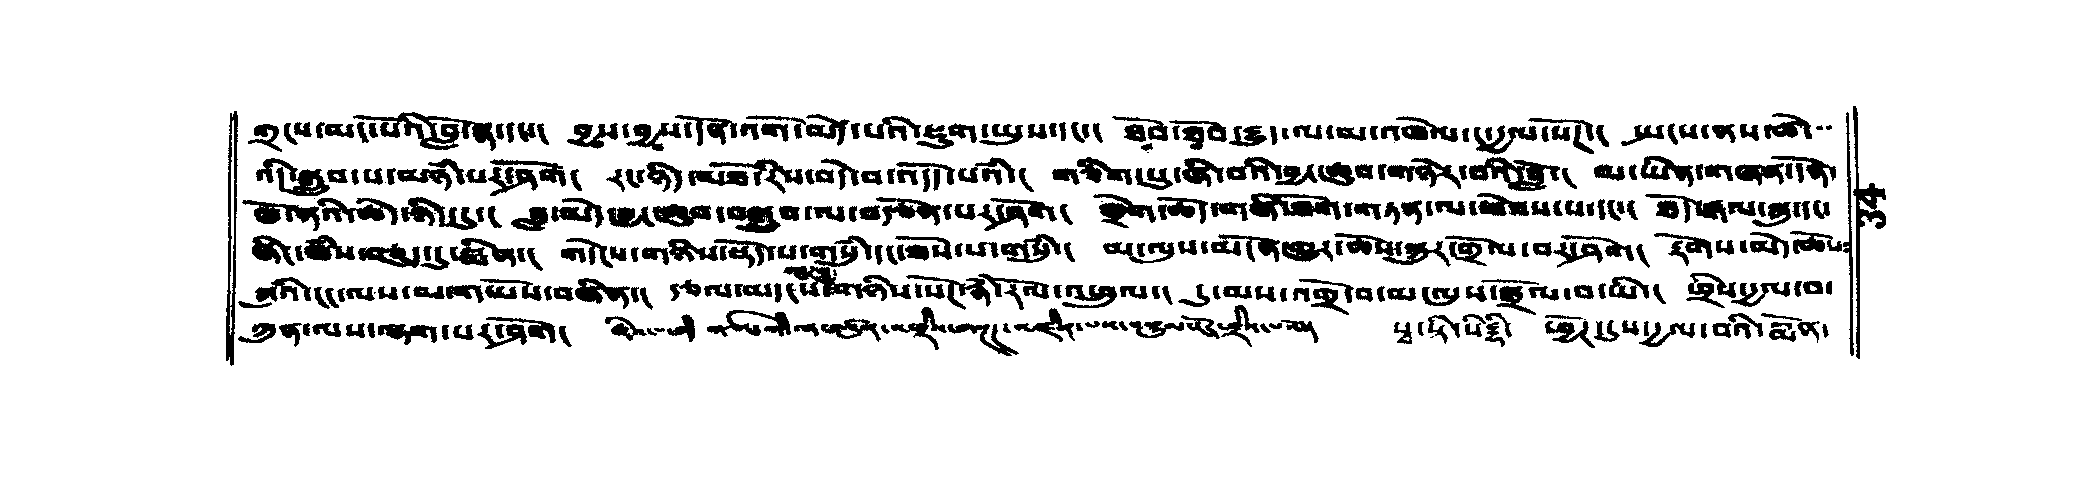གྲངས་མང་པོའི་བློ་སྣ་དང་། །བྱས་བྱས་དོན་གོ་མེད་པའི་སྡུག་ཡུས་དང་། །ཐོབ་ཐོབ་རྒྱུད་ལ་མ་འཁེལ་ང་རྒྱལ་སོགས། །སྤངས་ནས་ཚེ་
འདི་སྒྲུབ་པ་མཉམ་པར་ཤོག།རང་ཉིད་མཐོ་རིས་བདེ་བ་འདོད་པའམ། །གཅིག་པུ་ཞི་བའི་བྱང་ཆུབ་གཉེར་བའི་བློ། །མ་ཡིན་གཞན་དོན་
ཁོ་ནའི་ཆེད་ཉིད་དུ། །བླ་མེད་བྱང་ཆུབ་བསྒྲུབ་ལ་བརྩོན་པར་ཤོག །ཁྲེག་ཆོད་གཞི་ཐོག་གཏན་ལ་ཕེབས་པ་དང་། །ཐོད་རྒལ་སྐུ་དང་
ཞིང་ཁམས་བཅུད་དུ་སྨིན། །གདེངས་གཉིས་སྡོད་པ་གསུམ་དང་ཐོས་པ་གསུམ། །མ་ལུས་མངོན་གྱུར་ཆོས་སྐུར་གྲོལ་བར་ཤོག །རྟོག་མེད་ཆོས་
སྐུའི་ངང་ལས་མ་གཡོས་བཞིན། །རྩལ་མདངས་གཟུགས་སྐུ་གཉིས་སོགས་རྣམ་རོལ་འཕྲུལ། །དུ་མས་འགྲོ་བ་མ་ལུས་སྒྲོལ་བ་ཡི། །ཕྲིན་ལས་རྒྱལ་བ་
ཀུན་ལས་ལྷག་པར་ཤོག ཅེས་པ་ནི། གཙང་གི་ལྷ་བཙུན་འཕྲིན་ལས་གསང་སྔགས་འཛིན་པས་བསྐུལ་ངོར་བྲིས་པའོ།། སྭ་སྟི་སིདྡྷི། ཕྱོགས་དུས་རྒྱལ་བའི་སྨོན་